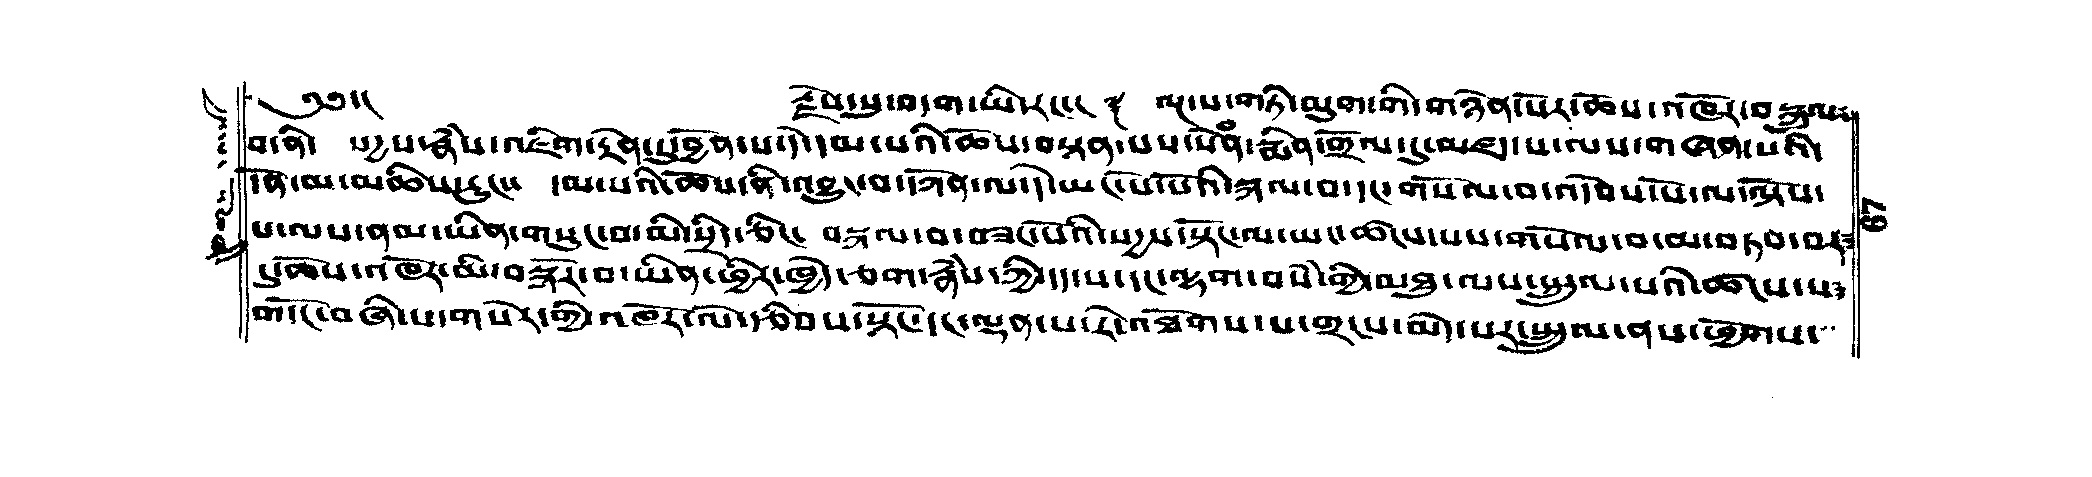རྗེས་སུ་བདག་ཡི་དང་། ༈ ལྔ་པ་གཏི་མུག་གི་གཉེན་པོར་ཆོས་འཁོར་བསྐུལ་
བ་ནི། སངས་རྒྱས་རྣམས་འཇིག་རྟེན་དུ་བྱོན་པ་དེ་དམ་པའི་ཆོས་བསྟན་པས་སེམས་ཅན་སྨིན་གྲོལ་དུ་མཛད་པ་ལས་གཞན་པའི་
དོན་མ་མཆིས་རུང་། དམ་པའི་ཆོས་ནི་འབྱུང་བ་དཀོན་ལ་དེ་ཡང་སོ་སོའི་སྐལ་བ་དང་གསོལ་བ་འདེབས་པོ་ལ་ལྟོས་
པ་ལས་ནམ་ཡིན་གསུང་བ་མི་སྲིད་ཅིང་། བསྐལ་བ་བཟང་པོའི་སངས་རྒྱས་སྟོང་ལ་ཡང་ཚངས་པས་གསོལ་བ་མ་བཏབ་བར་
དུ་ཆོས་འཁོར་མི་བསྐོར་བ་ཡིན་ཕྱིར་ཁྱེད་ཅག་རྣམས་ཀྱི་དད་པ་དང་ལྷག་བསམ་གྱི་མཐུ་ལས་སྤྲུལ་པའི་ཚངས་པ་
གདོང་བཞི་པ་གསེར་གྱི་འཁོར་ལོ་རྩིབས་སྟོང་དང་ལྡན་པ་རེ་འཐོག་པ་གྲངས་མེད་པར་སྤྲུལ་ནས་ཕྱོགས་